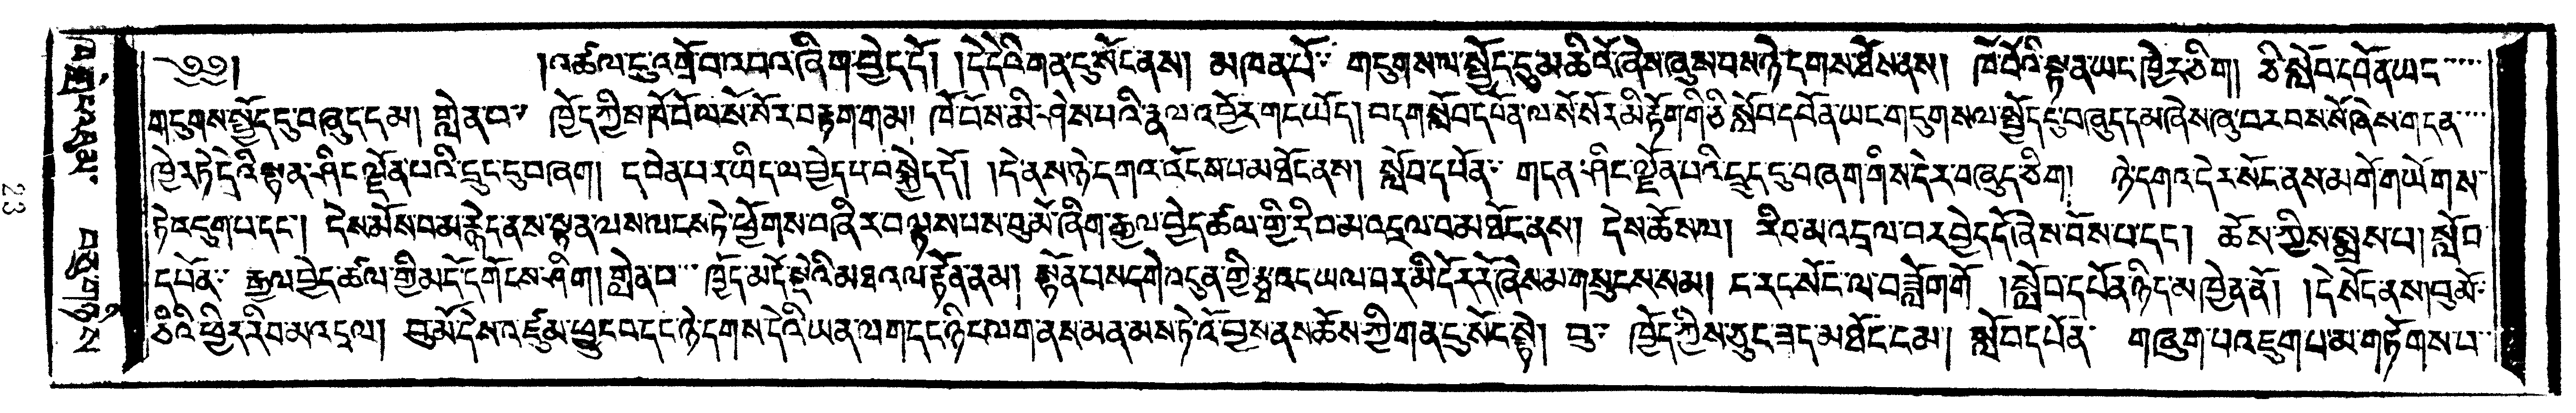༄༅། །འཚལ་དུ་འགྲོ་བ་འབའ་ཞིག་བྱེད་དོ། །དེ་དེའི་གན་དུ་སོང་ནས། མཁན་པོ༑ གདུགས་ལ་སྤྱོད་དུ་མཆིའོ་ཞེས་ཞུས་བས་ཉེ་དགས་ཐོས་ནས། ཁོ་བོའི་སྟན་ཡང་ཁྱེར་ཅིག། ཅི་སློབ་དཔོན་ཡང་
གདུགས་སྤྱོད་དུ་བཞུད་དམ། གླེན་བ༑ ཁྱོད་ཀྱིས་ཁོ་བོ་ལ་སོ་སོར་བརྟག་གམ། ཁོ་བོས་མི་ཤེས་པའི་རྣལ་འབྱོར་གང་ཡོད། བདག་སློབ་དཔོན་ལ་སོ་སོར་མི་རྟོག་གི་ཅི་སློབ་དཔོན་ཡང་གདུགས་ལ་སྤྱོད་དུ་བཞུད་དམ་ཞེས་ཞུ་བར་བས་སོ་ཞེས་གདན་
ཁྱེར་ཏེ་དྲེའི་སྟན་ཤིང་ལྗོན་པའི་དྲུང་དུ་བཞག། དབེན་པར་ཡིད་ལ་བྱེད་པ་བསྐྱེད་དོ། །དེ་ནས་ཉེ་དགའ་འོངས་པ་མཐོང་ནས། སློབ་དཔོན༑ གདན་ཤིང་ལྗོན་པའི་དྲུང་དུ་བཞག་གིས་དེར་བཞུད་ཅིག། ཉེ་དགའ་དེར་སོང་ནས་མགོ་གཡོགས་
ཏེ་འདུག་པ་དང་། དེས་མོས་བ་མ་རྙེད་ནས་སྟན་ལས་ལངས་ཏེ་ཕྱོགས་བཞིར་བལྟས་པས་བུ་མོ་ཞིག་རྒྱལ་བྱེད་ཚལ་གྱི་རིབ་མ་འདྲལ་བ་མཐོང་ནས། དེས་ཆོས་ལ། རིབ་མ་འདྲལ་བར་བྱེད་དོ་ཞེས་བོས་པ་དང་། ཆོས་ཀྱིས་སྨྲས་པ། སློབ་
དཔོན༑ རྒྱལ་བྱེད་ཚལ་གྱི་མདོ་དགོངས་ཤིག། གླེན་པ་ཁྱོད་མདོ་སྡེའི་མཐའ་ལ་རྟོན་ནམ། སྟོན་པས་དགེ་འདུན་གྱི་རྩྭའང་ཡལ་བར་མི་དོར་རོ་ཞེས་མ་གསུངས་སམ། ང་རང་སོང་ལ་བཟློག་གོ། །སློབ་དཔོན་ཉིད་མཁྱེན་ནོ། །དེ་སོང་ནས། བུ་མོ་
ཅིའི་ཕྱིར་རིབ་མ་འདྲལ། བུ་མོ་དེས་འཛུམ་ཕྱུང་བ་དང་ཉེ་དགས་དེའི་ཡན་ལག་དང་ཉིང་ལག་ནས་མན་མས་ཏེ་འོ་བྱས་ནས་ཆོས་ཀྱི་གན་དུ་སོང་སྟེ། བུ༑ ཁྱོད་ཀྱིས་ཅུང་ཟད་མཐོང་ངམ། སློབ་དཔོན་གཞུག་པ་འཇུག་པ་མ་གཏོགས་པ་